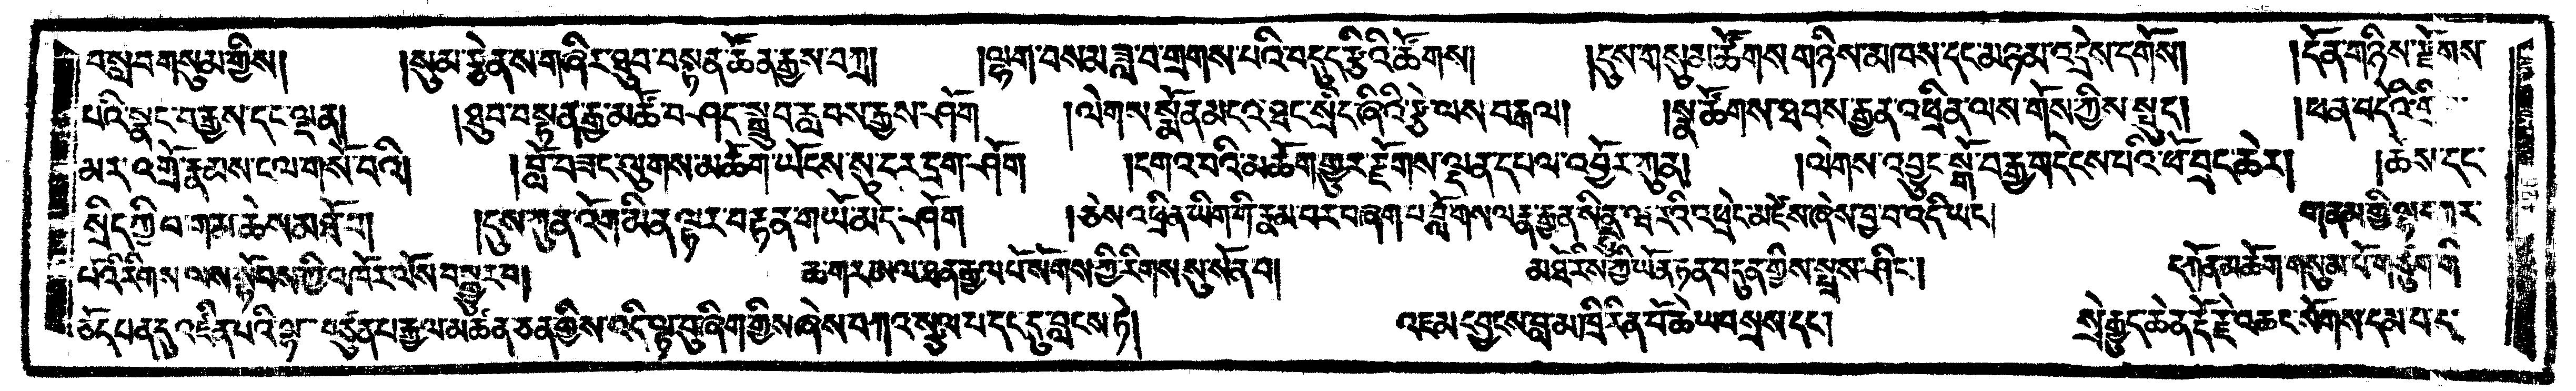བསླབ་གསུམ་གྱིས། །སུམ་རྩེན་ས་གཞིར་ཐུབ་བསྟན་ཚོན་རྒྱས་བཀྲ། །ལྷག་བསམ་ཟླ་བ་གྲགས་པའི་བདུད་རྩིའི་ཚོགས། །དུས་གསུམ་ཚོགས་གཉིས་མཁས་དང་མཉམ་འདྲེས་དགོས། །དོན་གཉིས་རྫོགས་
པའི་སྣང་བ་རྒྱས་དང་ལྡན། །ཐུབ་བསྟན་རྒྱ་མཚོ་བཤད་སྒྲུབ་རླབས་རྒྱས་ཤོག །ལེགས་སྨོན་མངའ་ཐང་སྲིང་ཞིའི་རྩེ་ལས་བརྒལ། །སྣ་ཚོགས་ཐབས་རྒྱན་འཕྲིན་ལས་གོས་ཀྱིས་སྤུད། །ཕན་བདེའི་གྲི?
མར་འགྲོ་རྣམས་ངལ་གསོ་བའི། །བློ་བཟང་ལུགས་མཆོག་ཡོངས་སུ་དར་དྲག་ཤོག །དགའ་བའི་མཆོག་གྱུར་རྫོགས་ལྡན་དཔལ་འབྱོར་ཀུན། །ལེགས་འབྱུང་སྒོ་བརྒྱ་གདེངས་པའི་ཕོ་བྲང་ཆེར། །ཆེས་དང་
སྲིད་ཀྱི་བ་གམ་ཆེས་མཐོ་བ། །དུས་ཀུན་འོག་མིན་ལྟར་བརྟན་གཡོན་མེད་ཤོག །ཅེས་འཕྲིན་ཡིག་གི་རྣམ་བར་བཞག་བློ་གསལ་རྣ་རྒྱན་སིན་ཝ་རའི་འཕྲེང་མཛེས་ཞེས་བྱ་བ་འདི་ཡང་། གནམ་གྱི་ལྷ་དཀར་
པོའི་རིགས་ལས་སྟོབས་ཀྱི་འཁོར་ལོས་བསྒྱུར་བ། ཆ་གར་མལ་ཐན་རྒྱལ་པོ་སོགས་ཀྱི་རིགས་སུ་སོན་བ། མཐོ་རིས་ཀྱི་ཡོན་ཏན་བདུན་གྱིས་སྤྲས་ཤིང་། དཀོན་མཆོག་གསུམ་པོ་གཙུག་གི་
ཅོད་པན་དུ་འཛིན་པའི་ལྷ་བཙུན་པ་རྒྱལ་མཚན་ཅན་གྱིས་འདི་ལྟ་བུ་ཞིག་གྱིས་ཞེས་བཀའ་སྩལ་པ་དང་དུ་བླངས་ཏེ། འཇམ་དབྱངས་བླ་མ་ཁྲི་རིན་པོ་ཆེ་ཡབ་སྲས་དང་། སྲེ་རྒྱུད་ཆེན་རྡོ་རྗེ་འཆང་སོགས་དམ་པད་